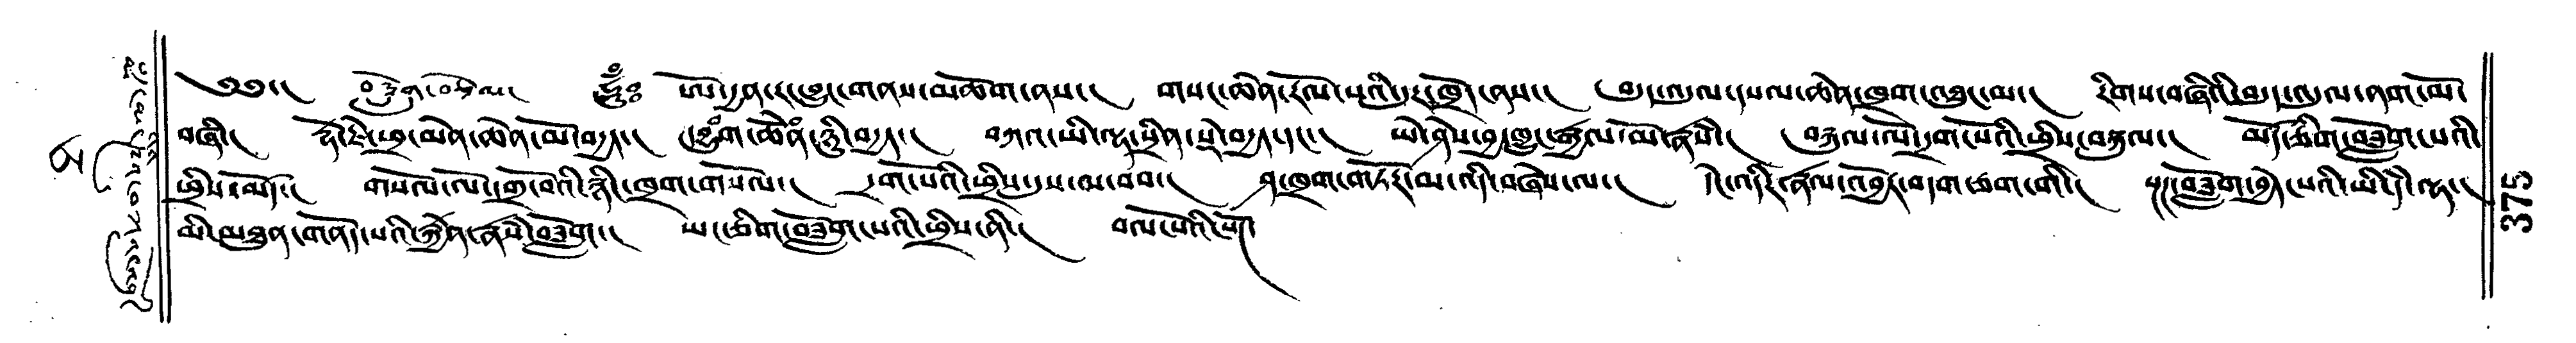༄༅། བཟློག་བཅོལ། ཧཱུྃ། ཨོ་རྒྱན་རང་བྱུང་གནས་མཆོག་ནས། །གསང་ཆེན་རོལ་པའི་དུར་ཁྲོད་ནས། །བདུད་འདུལ་དཔལ་ཆེན་ཁྲག་འཐུང་མ། །རིགས་བཞིའི་བདུད་འདུལ་ནག་མོ་
བཞི། །རྡོ་རྗེ་ཕྲ་མེན་ཆེན་མོ་བརྒྱད། །དབང་ཕྱུག་ཆེན་མོ་ཉི་ཤུ་བརྒྱད། །བཀའ་ཡི་ལྷ་སྲིན་སྡེ་བརྒྱད་དང། །ཡེ་ཤེས་བྱ་ཁྱུང་རྒྱལ་མོ་རྣམས། །བསྐུལ་ལོ་དྲག་པོའི་ཕྲིན་ལས་བསྐུལ། །མཛོད་ཅིག་བཟློག་པའི་
ཕྲིན་ལས་མཛོད། །གསོལ་ལོ་དགྲ་བོའི་སྙིང་ཁྲག་གསོལ། །དྲག་པོའི་ཕྲིན་ལས་དུས་ལ་བབ། །ཤ་ཁྲག་གཏོར་མ་འདི་བཞེས་ལ། །དེང་འདིར་རྣལ་འབྱོར་བདག་ཅག་གི། །སྔགས་བཟློག་བྱེད་པའི་ཡི་དམ་ལྷས། །
མི་མཐུན་གནོད་པའི་རྐྱེན་རྣམས་བཟློག། །ཡང་ཅིག་བཟློག་པའི་ཕྲིན་ལས་ནི། །བལ་པོའི༴ སོགས།